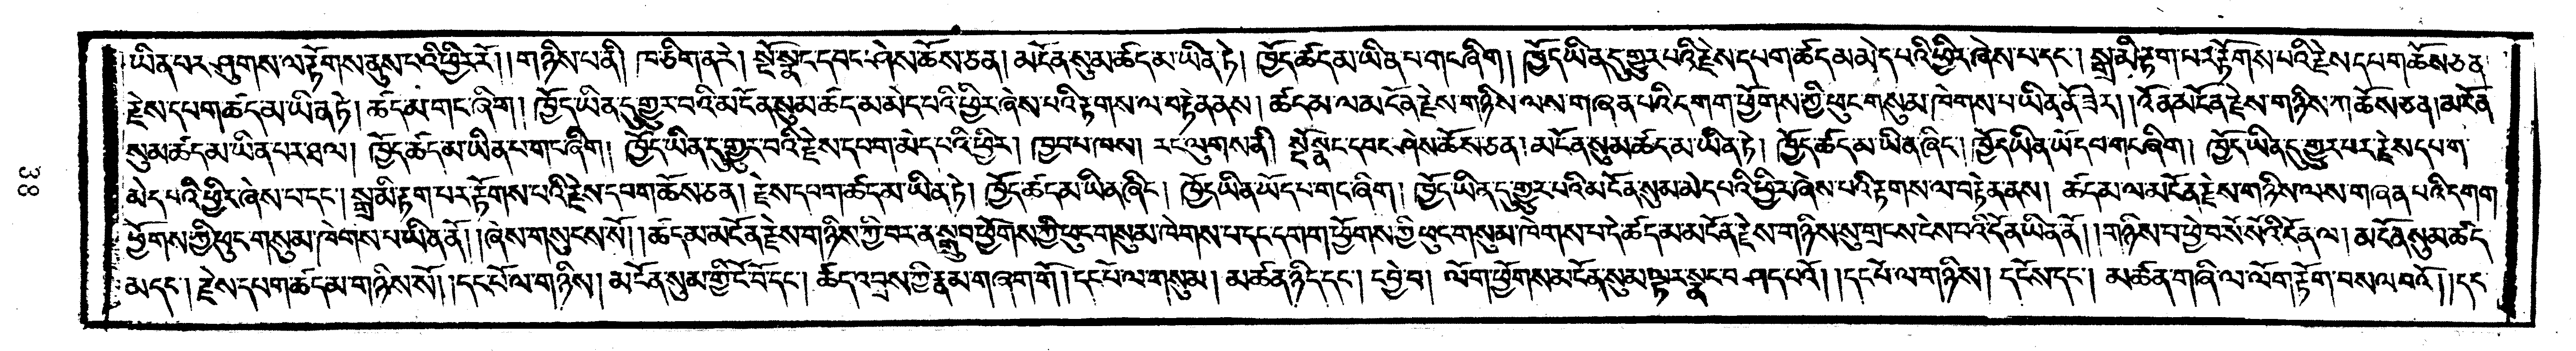ཡིན་པར་ཤུགས་ལ་རྟོགས་ནུས་པའི་ཕྱིར་རོ། །གཉིས་པ་ནི། ཁ་ཅིག་ན་རེ། སྔོ་སྣང་དབང་ཤེས་ཆོས་ཅན། མངོན་སུམ་ཚད་མ་ཡིན་ཏེ། ཁྱོད་ཚད་མ་ཡིན་པ་གང་ཞིག །ཁྱོད་ཡིན་དུ་གྱུར་པའི་རྗེས་དཔག་ཚད་མ་མེད་པའི་ཕྱིར་ཞེས་པ་དང་། སྒྲ་མི་རྟག་པར་རྟོགས་པའི་རྗེས་དཔག་ཆོས་ཅན།
རྗེས་དཔག་ཚད་མ་ཡིན་ཏེ། ཚད་མ་གང་ཞིག །ཁྱོད་ཡིན་དུ་གྱུར་པའི་མངོན་སུམ་ཚད་མ་མེད་པའི་ཕྱིར་ཞེས་པའི་རྟགས་ལ་བརྟེན་ནས། ཚད་མ་ལ་མངོན་རྗེས་གཉིས་ལས་གཞན་པའི་དགག་ཕྱོགས་ཀྱི་ཕུང་གསུམ་ཁེགས་པ་ཡིན་ནོ་ཟེར། འོ་ན་མངོན་རྗེས་གཉིས་ཀ་ཆོས་ཅན། མངོན་
སུམ་ཚད་མ་ཡིན་པར་ཐལ། ཁྱོད་ཚད་མ་ཡིན་པ་གང་ཞིག །ཁྱོད་ཡིན་དུ་གྱུར་པའི་རྗེས་དཔག་མེད་པའི་ཕྱིར། ཁྱབ་པ་ཁས། རང་ལུགས་ནི། སྔོ་སྣང་དབང་ཤེས་ཆོས་ཅན། མངོན་སུམ་ཚད་མ་ཡིན་ཏེ། ཁྱོད་ཚད་མ་ཡིན་ཞིང་། ཁྱོད་ཡིན་ཡོད་པ་གང་ཞིག །ཁྱོད་ཡིན་དུ་གྱུར་པའི་རྗེས་དཔག་
མེད་པའི་ཕྱིར་ཞེས་པ་དང་། སྒྲ་མི་རྟག་པར་རྟོགས་པའི་རྗེས་དཔག་ཆོས་ཅན། རྗེས་དཔག་ཚད་མ་ཡིན་ཏེ། ཁྱོད་ཚད་མ་ཡིན་ཞིང་། ཁྱོད་ཡིན་ཡོད་པ་གང་ཞིག །ཁྱོད་ཡིན་དུ་གྱུར་པའི་མངོན་སུམ་མེད་པའི་ཕྱིར་ཞེས་པའི་རྟགས་ལ་བརྟེན་ནས། ཚད་མ་ལ་མངོན་རྗེས་གཉིས་ལས་གཞན་པའི་དགག་
ཕྱོགས་ཀྱི་ཕུང་གསུམ་ཁེགས་པ་ཡིན་ནོ། །ཞེས་གསུངས་སོ། །ཚད་མ་མངོན་རྗེས་གཉིས་ཀྱི་བར་ན་སྒྲུབ་ཕྱོགས་ཀྱི་ཕུང་གསུམ་ཁེགས་པ་དང་དགག་ཕྱོགས་ཀྱི་ཕུང་གསུམ་ཁེགས་པ་དེ་ཚད་མ་མངོན་རྗེས་གཉིས་སུ་གྲངས་ངེས་པའི་དོན་ཡིན་ནོ། །གཉིས་པ་ཕྱེ་བ་སོ་སོའི་དོན་ལ། མངོན་སུམ་ཚད་
མ་དང་། རྗེས་དཔག་ཚད་མ་གཉིས་སོ། །དང་པོ་ལ་གཉིས། མངོན་སུམ་གྱི་ངོ་བོ་དང་། ཚད་འབྲས་ཀྱི་རྣམ་གཞག་གོ། དང་པོ་ལ་གསུམ། མཚན་ཉིད་དང་། དབྱེ་བ། ལོག་ཕྱོགས་མངོན་སུམ་ལྟར་སྣང་བཤད་པའོ། །དང་པོ་ལ་གཉིས། དངོས་དང་། མཚན་གཞི་ལ་ལོག་རྟོག་བསལ་བའོ། །དང་